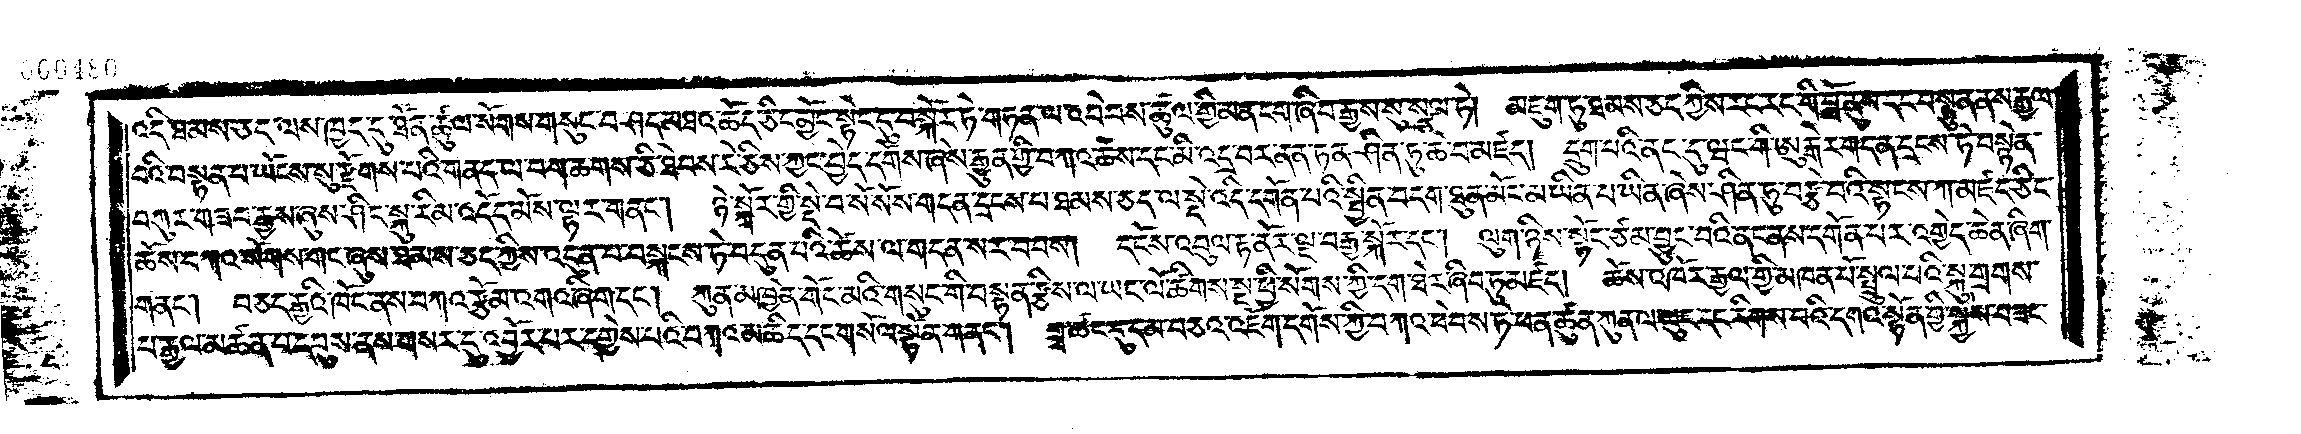འདི་ཐམས་ཅད་ལས་ཁྱད་དུ་ཐོན་ཚུལ་སོགས་གསུང་བཤད་མཐའ་ཆོད་ཅིང་མྱོང་སྟེང་དུ་བསྐོར་ཏེ་གཏན་ལ་འབེབས་ཚུལ་གྱི་མན་ངག་ཞིབ་རྒྱས་སུ་སྩལ་ཏེ། མཇུག་ཏུ་ཐམས་ཅད་ཀྱིས་རང་རང་གི་བློ་ནུས་དང་བསྟུན་ནས་རྒྱལ་
བའི་བསྟན་པ་ཡོངས་སུ་རྫོགས་པའི་གནད་ལ་བག་ཆགས་ཅི་ཐེབས་རེ་ཅིས་ཀྱང་བྱེད་དགོས་ཞེས་རྒྱུན་གྱི་བཀའ་ཆོས་དང་མི་འདྲ་བར་ནན་ཏན་ཤིན་ཏུ་ཆེ་བ་མཛད། དྲུག་པའི་ནང་དུ་ཝང་གི་ཨུརྒེར་གདན་དྲངས་ཏེ་བསྙེན་
བཀུར་གཟབ་རྒྱས་ཞུས་ཤིང་སྐུ་རིམ་འདོད་མོས་ལྟར་གནང་། ཉེ་སྐོར་གྱི་སྡེ་བ་སོ་སོས་གདན་དྲངས་པ་ཐམས་ཅད་ལ་སྡེ་འདི་དགོན་པའི་སྦྱིན་བདག་ཐུན་མོང་མ་ཡིན་པ་ཡིན་ཞེས་ཤིན་ཏུ་བརྩེ་བའི་སྟངས་ཀ་མཛད་ཅིང་
ཆོས་བཀའ་སོགས་གང་ཞུས་ཐམས་ཅད་ཀྱིས་འདུན་པ་བསྐངས་ཏེ་བདུན་པའི་ཚེས་ལ་གདན་སར་བབས། དངོས་འབུལ་རྟ་ནོར་ལྔ་བརྒྱ་སྐོར་དང་། ལུག་ཉིས་སྟོང་ཙམ་བྱུང་བའི་ནང་ནས་དགོན་པར་འགྱེད་ཆེན་ཞིག་
གནང་། བཅད་རྒྱའི་ཁོང་ནས་བཀའ་རྩོམ་འགའ་ཞིག་དང་། ཀུན་མཁྱེན་གོང་མའི་གསུང་གི་བསྟན་རྩིས་ལ་ཡང་ལོ་ཚིགས་སྔ་ཕྱི་སོགས་ཀྱི་དག་ཐེར་ཞིབ་ཏུ་མཛད། ཆོས་འཁོར་རྒྱལ་གྱི་མཁན་པོ་སྤྲུལ་པའི་སྐུ་གྲགས་
པ་རྒྱལ་མཚན་པ་དབུས་ནས་གསར་དུ་འབྱོར་པར་དགྱེས་པའི་བཀའ་མཆིད་དང་གསོལ་སྟོན་གནང་། གྲྭ་ཚང་དུ་དམ་བཅའ་འཇོག་དགོས་ཀྱི་བཀའ་ཕེབས་ཏེ་ཕན་ཚུན་ཀུན་ལ་ལུང་དང་རིགས་པའི་དགའ་སྟོན་གྱི་སྐྱེས་བཟང་